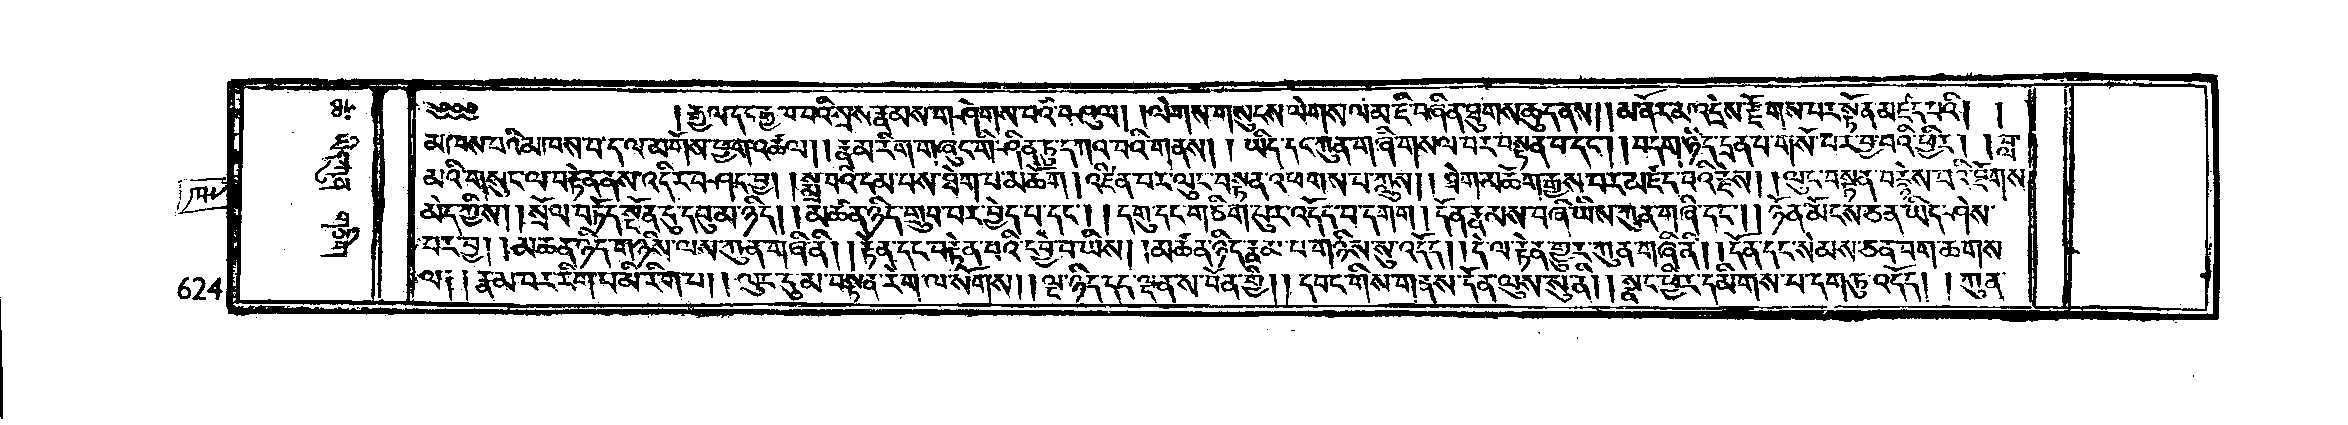༄༅༅་།རྒྱལ་དང་རྒྱལ་བའི་སྲས་རྣམས་གཤེགས་པའི་བཤུལ། །ལེགས་གསུངས་ལེགས་ལམ་ཇི་བཞིན་ཐུགས་ཆུད་ནས། །མ་ནོར་མ་འདྲེས་རྫོགས་པར་སྟོན་མཛད་པའི། །
མཁས་པའི་མཁས་པ་དེ་ལ་མགོས་ཕྱག་འཚལ། །རྣམ་རིག་གཞུང་གི་ཤིན་ཏུ་དཀའ་བའི་གནས། །ཡིད་དང་ཀུན་གཞི་གསལ་བར་བསྟན་པ་དང་། །བདག་ཉིད་དྲན་པ་གསོ་བར་བྱ་བའི་ཕྱིར། །བླ་
མའི་གསུང་ལ་བརྟེན་ནས་འདིར་བཤད་བྱ། །སྨྲ་བའི་དམ་པས་ཐེག་པ་མཆོག །འཛིན་པར་ལུང་བསྟན་འཕགས་པ་ཀླུས། །ཐེག་མཆོག་རྒྱས་པར་མཛད་པའི་རྗེས། །ལུང་བསྟན་བརྙེས་པའི་ཐོགས་
མེད་ཀྱིས། །སྲོལ་བཏོད་སྔོན་དུ་དབུ་མ་ཉིད། །མཚན་ཉིདགྲུབ་པར་བྱེད་པ་དང་། །དགུ་དང་གཅིག་པུར་འདོད་པ་དགག །དོནརྣམས་བཞི་ཡིས་ཀུན་གཞི་དང་། །ཉོན་མོངས་ཅན་ཡིད་ཤེས་
པར་བྱ། །མཚན་ཉིད་གཉིས་ལས་ཀུན་གཞི་ནི། །རྟེན་དང་བརྟེན་པའི་དབྱེ་བ་ཡིས། །མཚན་ཉིད་རྣམ་པ་གཉིས་སུ་འདོད། །དེ་ལ་རྟེན་གྱུར་ཀུན་གཞི་ནི། །དོན་དང་སེམས་ཅན་བག་ཆགས་
ལ༑ ༑རྣམ་པར་རིག་པ་མི་རིག་པ། །ལུང་དུ་མ་བསྟན་རེག་ལ་སོགས། །ལྔ་ཉིད་དང་ལྡན་ས་བོན་གྱི། །དབང་གིས་གནས་དོན་ལུས་སུ་ནི། །སྣང་ཕྱིར་དམིགས་པ་དག་ཏུ་འདོད། །ཀུན་